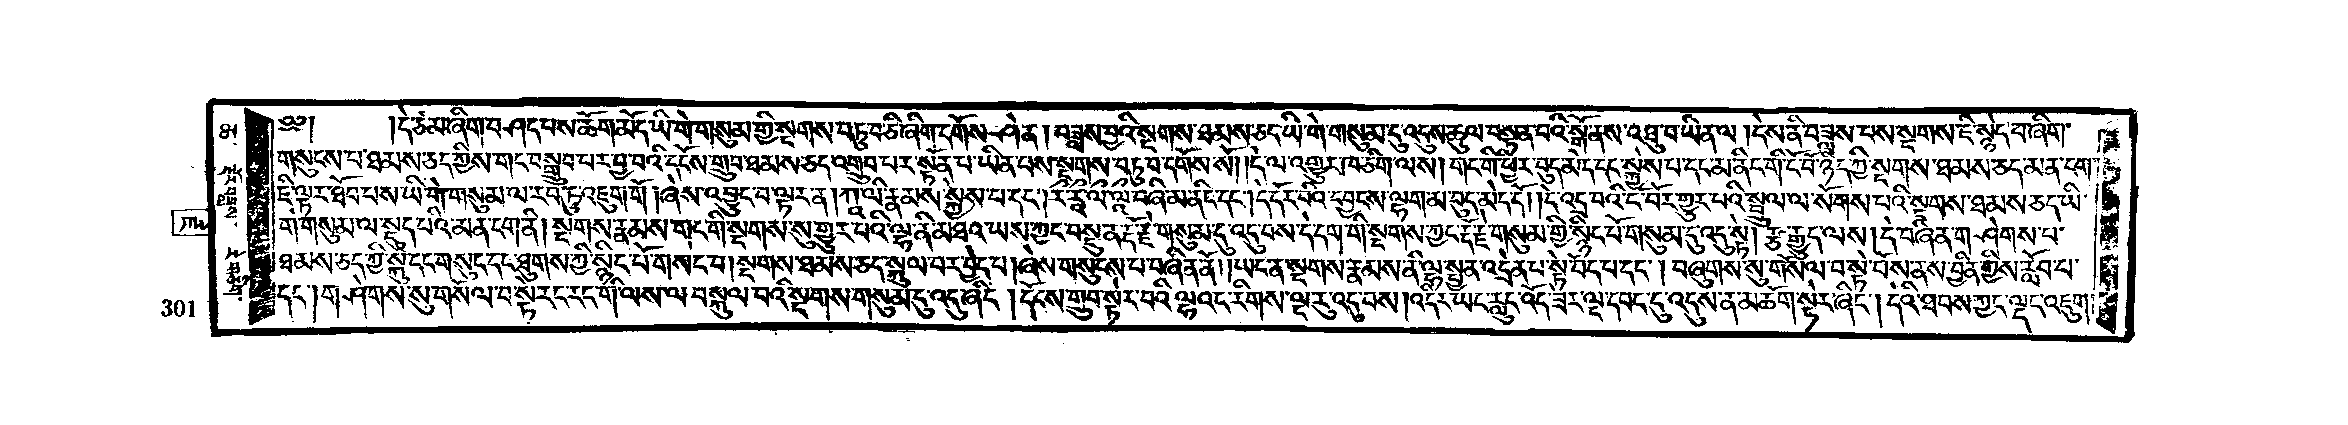༄༅། །དེ་ཙམ་ཞིག་བཤད་པས་ཆོག་མོད་ཡི་གེ་གསུམ་གྱི་སྔགས་བཏུ་བ་ཅི་ཞིག་དགོས་ཤེ་ན། བཟླས་བྱའི་སྔགས་ཐམས་ཅད་ཡི་གེ་གསུམ་དུ་འདུས་ཚུལ་བསྟན་པའི་སྒོ་ནས་འཐུ་བ་ཡིན་ལ། དེས་ནི་བཟླས་པས་སྔགས་ཇི་སྙེད་པ་ཞིག་
གསུངས་པ་ཐམས་ཅད་ཀྱིས་གང་བསྒྲུབ་པར་བྱ་བའི་དངོས་གྲུབ་ཐམས་ཅད་འགྲུབ་པར་སྟོན་པ་ཡིན་པས་སྔགས་བཏུ་བ་དགོས་སོ། །དེ་ལ་འགྱུར་ཁ་ཅིག་ལས། གང་གི་ཕྱིར་བུད་མེད་དང་སྐྱེས་པ་དང་མ་ནིང་གི་ངོ་བོ་ཉིད་ཀྱི་སྔགས་ཐམས་ཅད་མན་ངག་
ཇི་ལྟར་ཐོབ་པས་ཡི་གེ་གསུམ་ལ་རབ་ཏུ་འཇུག་གོ །ཞེས་འབྱུང་བ་ལྟར་ན། ཀཱ་ལི་རྣམས་སྐྱེས་པ་དང་། རྀ་རཱྀ་ལྀ་ལཱྀ་བཞི་མ་ནིང་དང་། དེ་དོར་བའི་དབྱངས་ལྷག་མ་བུད་མེད་དོ། །དེ་འདྲ་བའི་ངོ་བོར་གྱུར་བའི་སྦྲུལ་ལ་སོགས་པའི་སྔགས་ཐམས་ཅད་ཡི་
གེ་གསུམ་ལ་སྡུད་པའི་མན་ངག་ནི། སྔགས་རྣམས་གང་གི་སྔགས་སུ་གྱུར་པའི་ལྷ་ནི་མཐའ་ཡས་ཀྱང་བསྡུ་ན་རྡོ་རྗེ་གསུམ་དུ་འདུ་བས་དེ་དག་གི་སྔགས་ཀྱང་རྡོ་རྗེ་གསུམ་གྱི་སྙིང་པོ་གསུམ་དུ་འདུ་སྟེ། རྩ་རྒྱུད་ལས། དེ་བཞིན་གཤེགས་པ་
ཐམས་ཅད་ཀྱི་སྐུ་དང་གསུང་དང་ཐུགས་ཀྱི་སྙིང་པོ་གསང་བ། སྔགས་ཐམས་ཅད་སྐུལ་བར་བྱེད་པ། ཞེས་གསུངས་པ་བཞིན་ནོ། །ཡང་ན་སྔགས་རྣམས་ནི་ལྷ་སྤྱན་འདྲེན་པ་སྟེ་བོད་པ་དང་། བཞུགས་སུ་གསོལ་བ་སྟེ་བོས་ནས་བྱིན་གྱིས་རློབ་པ་
དང་། གཤེགས་སུ་གསོལ་བ་སྟེ་རང་རང་གི་ལས་ལ་བསྐུལ་བའི་སྔགས་གསུམ་དུ་འདུ་ཞིང་། དངོས་གྲུབ་སྟེར་བའི་ལྷའང་རིགས་ལྔ་རུ་འདུ་བས། འདིར་ཡང་རླུང་འོད་ཟེར་ལྔ་དབང་དུ་འདུས་ན་མཆོག་སྟེར་ཞིང་། དེའི་ཐབས་ཀྱང་ལྡང་འཇུག་